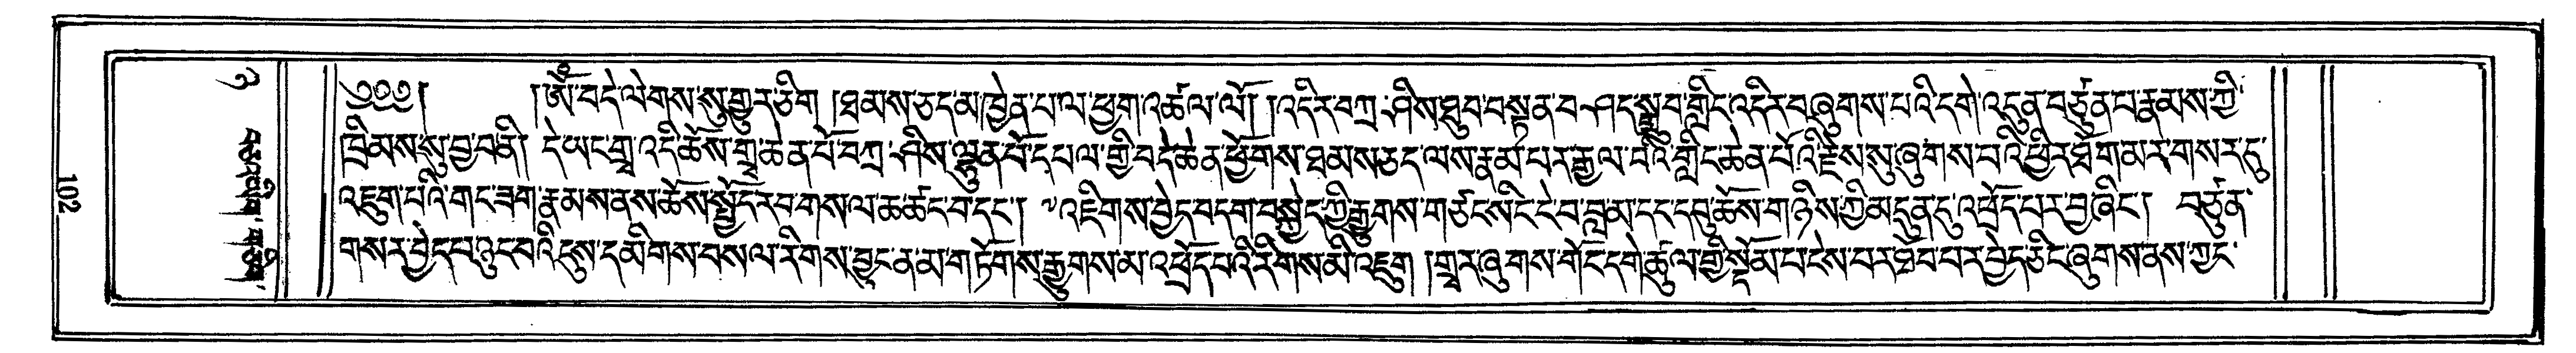༄༅༅། །ཨོཾ་བདེ་ལེགས་སུ་གྱུར་ཅིག །ཐམས་ཅད་མཁྱེན་པ་ལ་ཕྱག་འཚལ་ལོ། །འདིར་བཀྲ་ཤིས་ཐུབ་བསྟན་བཤད་སྒྲུབ་གླིང་འདིར་བཞུགས་པའི་དགེ་འདུན་བཙུན་པ་རྣམས་ཀྱི་
ཁྲིམས་སུ་བྱ་བ་ནི། དེ་ཡང་གྲྭ་འདི་ཆོས་གྲྭ་ཆེན་པོ་བཀྲ་ཤིས་ལྷུན་པོ་དཔལ་གྱི་བདེ་ཆེན་ཕྱོགས་ཐམས་ཅད་ལས་རྣམ་པར་རྒྱལ་བའི་གླིང་ཆེན་པོའི་རྗེས་སུ་ཞུགས་པའི་ཕྱིར་ཐོག་མར་གསར་དུ་
འཇུག་པའི་གང་ཟག་རྣམས་ནས་ཆོས་སྤྱོད་རབ་གསལ་ཆ་ཚང་བ་དང་། འཇིགས་བྱེད་བདག་བསྐྱེད་ཀྱི་རྒྱུགས་གཙང་སིང་དེ་བ་བླ་མ་དང་དབུ་ཆོས་གཉིས་ཀྱི་མདུན་དུ་འཕྲོད་པར་བྱ་ཞིང་། བཙུན་
གསར་བྱེད་པ་ཉུང་བའི་དུས་དམིགས་བསལ་རིགས་བྱུང་ན་མ་གཏོགས་རྒྱུགས་མ་འཕྲོད་པའི་རིགས་མི་འཇུག །གྲྭར་ཞུགས་གོང་དགེ་ཚུལ་གྱི་སྡོམ་པ་ངེས་པར་ཐོབ་པར་བྱེད་ཅིང་ཞུགས་ནས་ཀྱང་